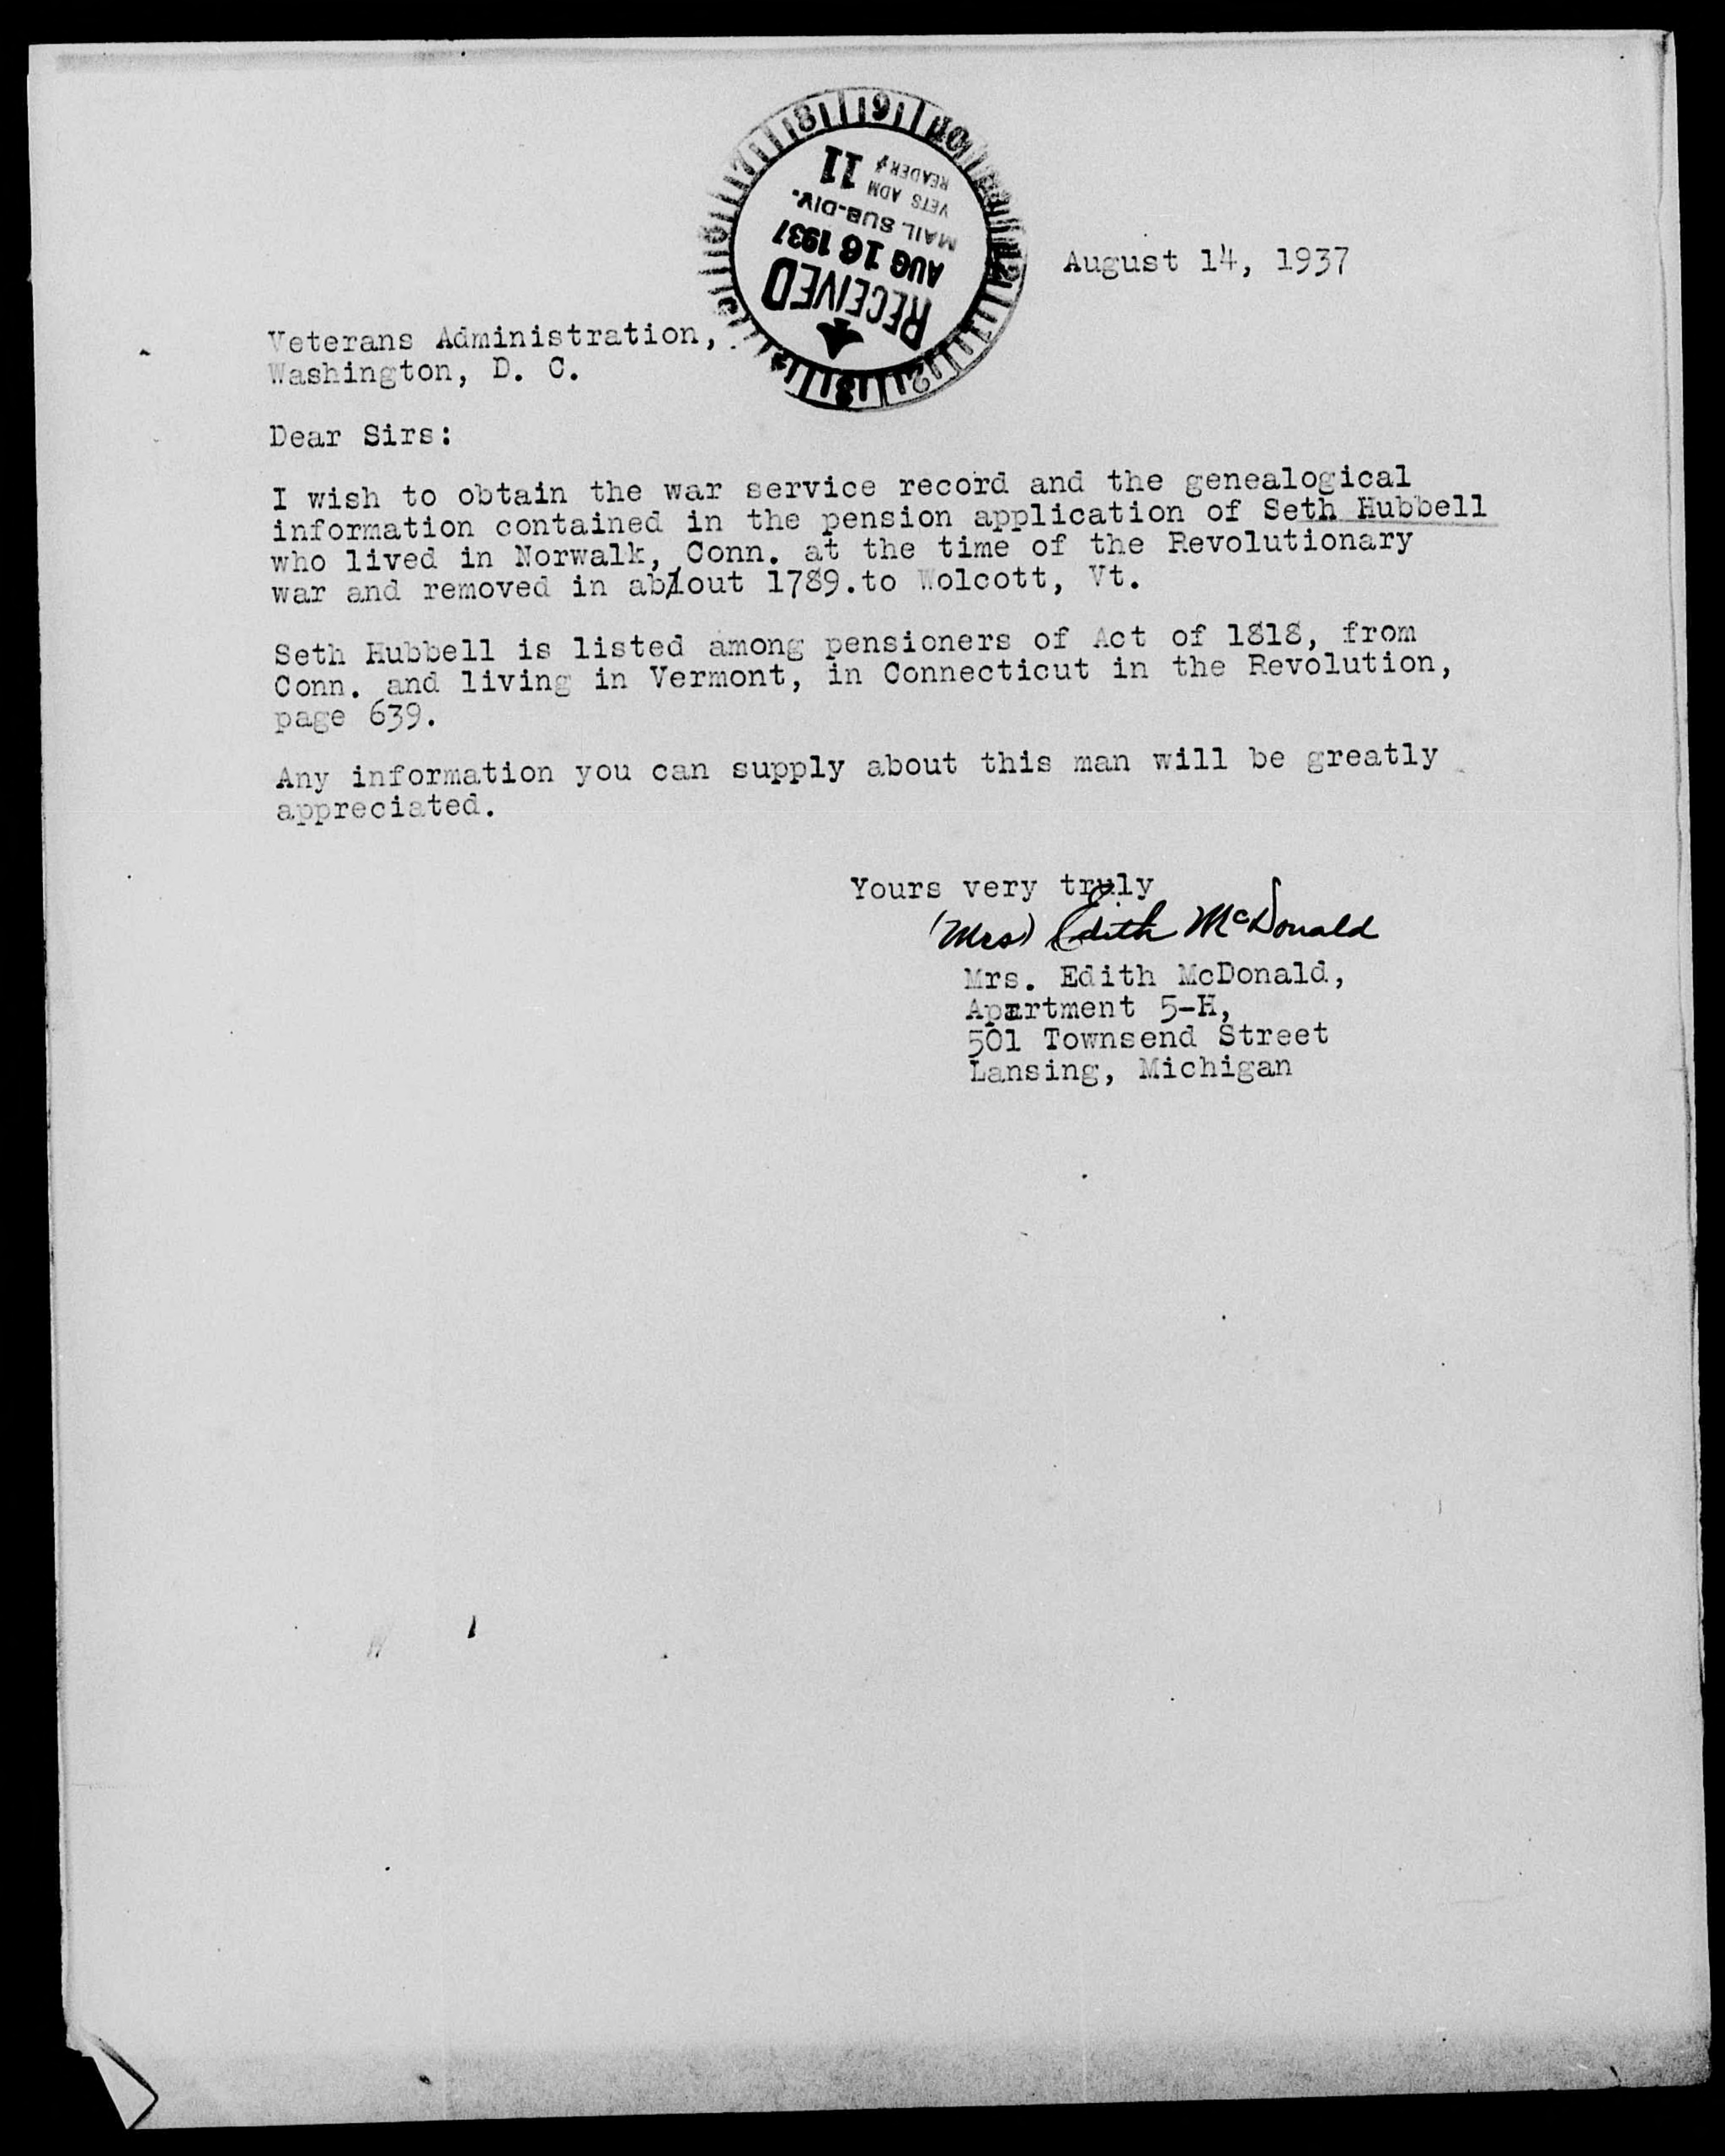[Stamped "Received
August 16 1937
Mail Sub-Div.
Vets Adm Reader 11]

August 14, 1937

Veterans Administration
Washington, D. C.

Dear Sirs:

I wish to obtain the war service record and the genealogical information contained in the pension application of Seth Hubbell who lived in Norwalk, Conn. at the time of the Revolutionary war and removed in about 1789. to Wolcott, Vt.

Seth Hubbell is listed among pensioners of Act of 1818, from Conn. and living in Vermont, in Connecticut in the Revolution, page 639.

Any information you can supply about this man will be greatly appreciated.

Yours very truly
[signed in black ink, "(Mrs) Edith McDonald"
Mrs. Edith McDonald,
Apartment 5-H,
501 Townsend Street
Lansing, Michigan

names: Seth Hubbell, Edith Mc Donald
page: 57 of 114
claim: widow's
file: W. 2115, Seth Hubbell, Conn.